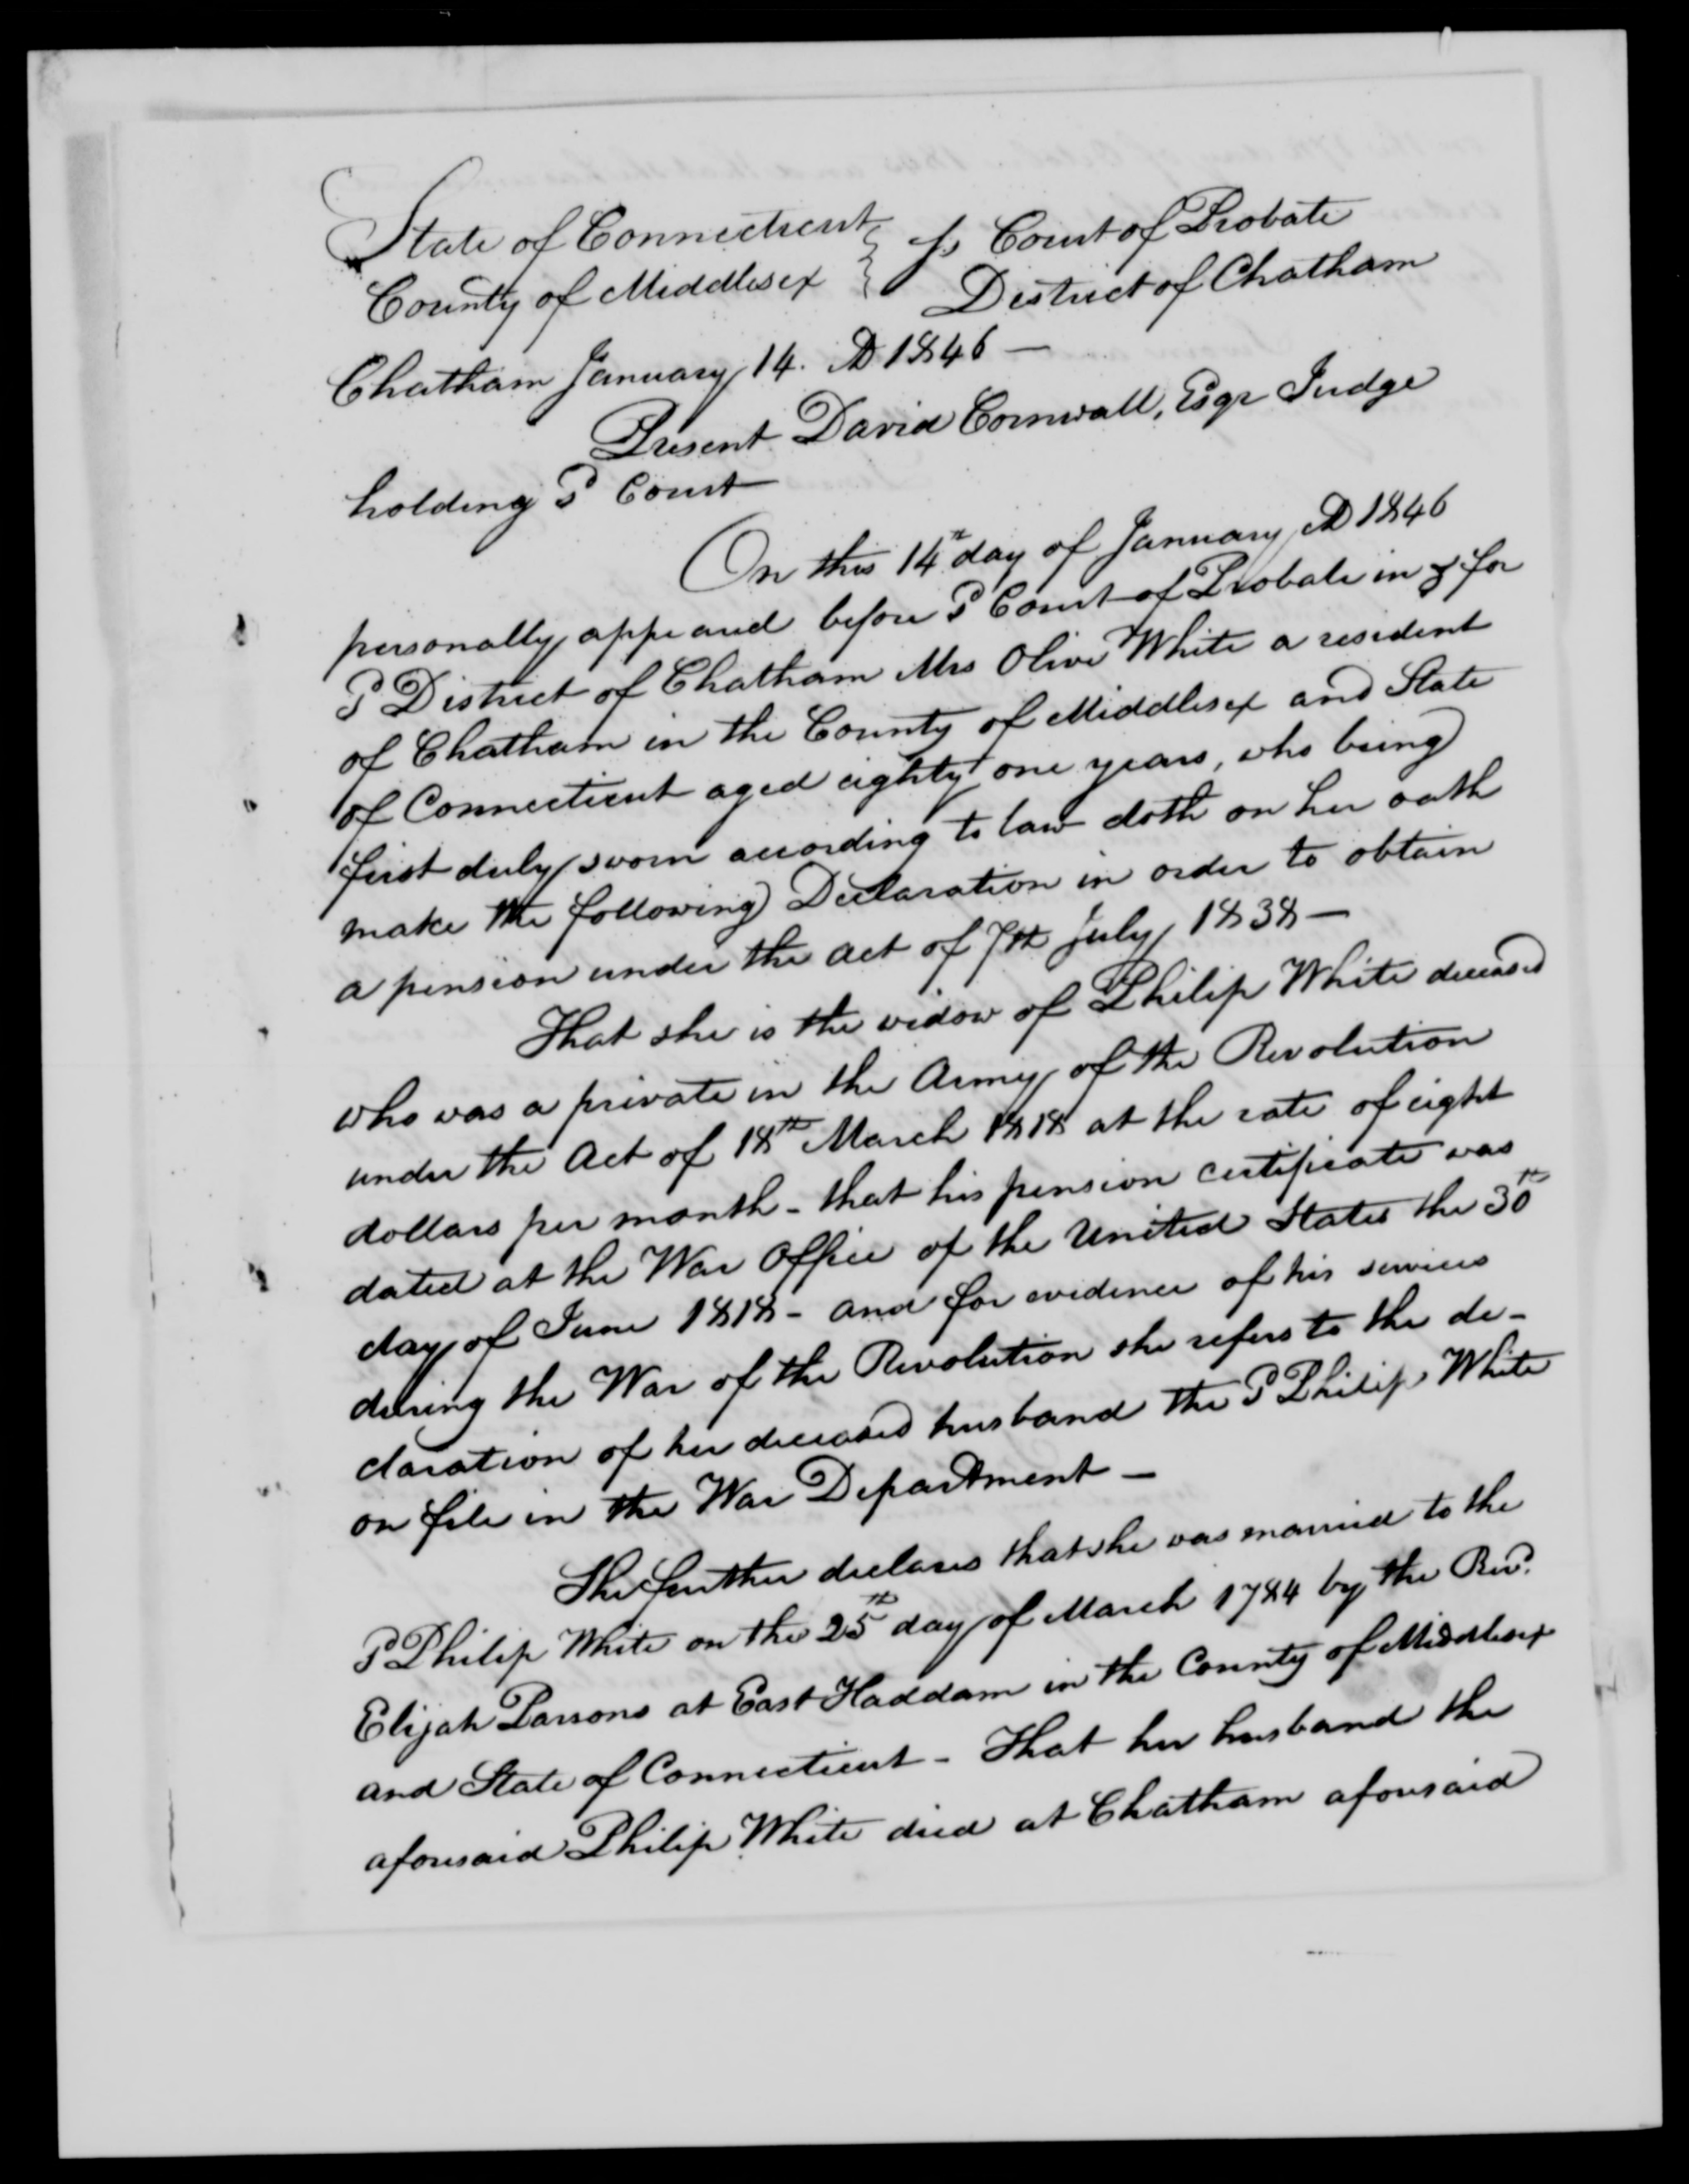State of Connecticut 
County of Middlesex} Ss Court of Probate District of Chatham

Chatham January 14. AD 1846
Present David Cornwall, Esqr Judge
holding sd Court
On this 14th day of January AD 1846
personally appeared before sd Court of Probate in & for
District of Chatham Mrs Olive White a resident
of Chatham in the County of Middlesex and State of
Connecticut aged eighty one years, who being
first duly sworn according to law doth on her oath
make the following Declaration in order to obtain
a pension under the act of 7th July 1838
That she is the widow of Philip White deceased
who was a private in the Army of the Revolution
under the act of 18th March 1818 at the rate of eight
dollars per month, that his pension certificate was
dated at the War Office of the United States the 30
day of June 1818 - and for evidence of his services
during the War of the Revolution she refers to the 
declaration of her deceased husband the sd Philip White
on file in the War Department _
She further declares that she was married to the
Philip White on the 25th day of March 1784 by th Rev.
Elijah Parsons at East Haddam in the County of Middlesex
and State of Connecticut- That her husband the
aforesaid Philip White died at Chatham aforesaid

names: David Cornwall, Elijah Parsons, Philip White, Olive White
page: 17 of 50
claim: widow's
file: W. 25,969, Philip White, Conn.